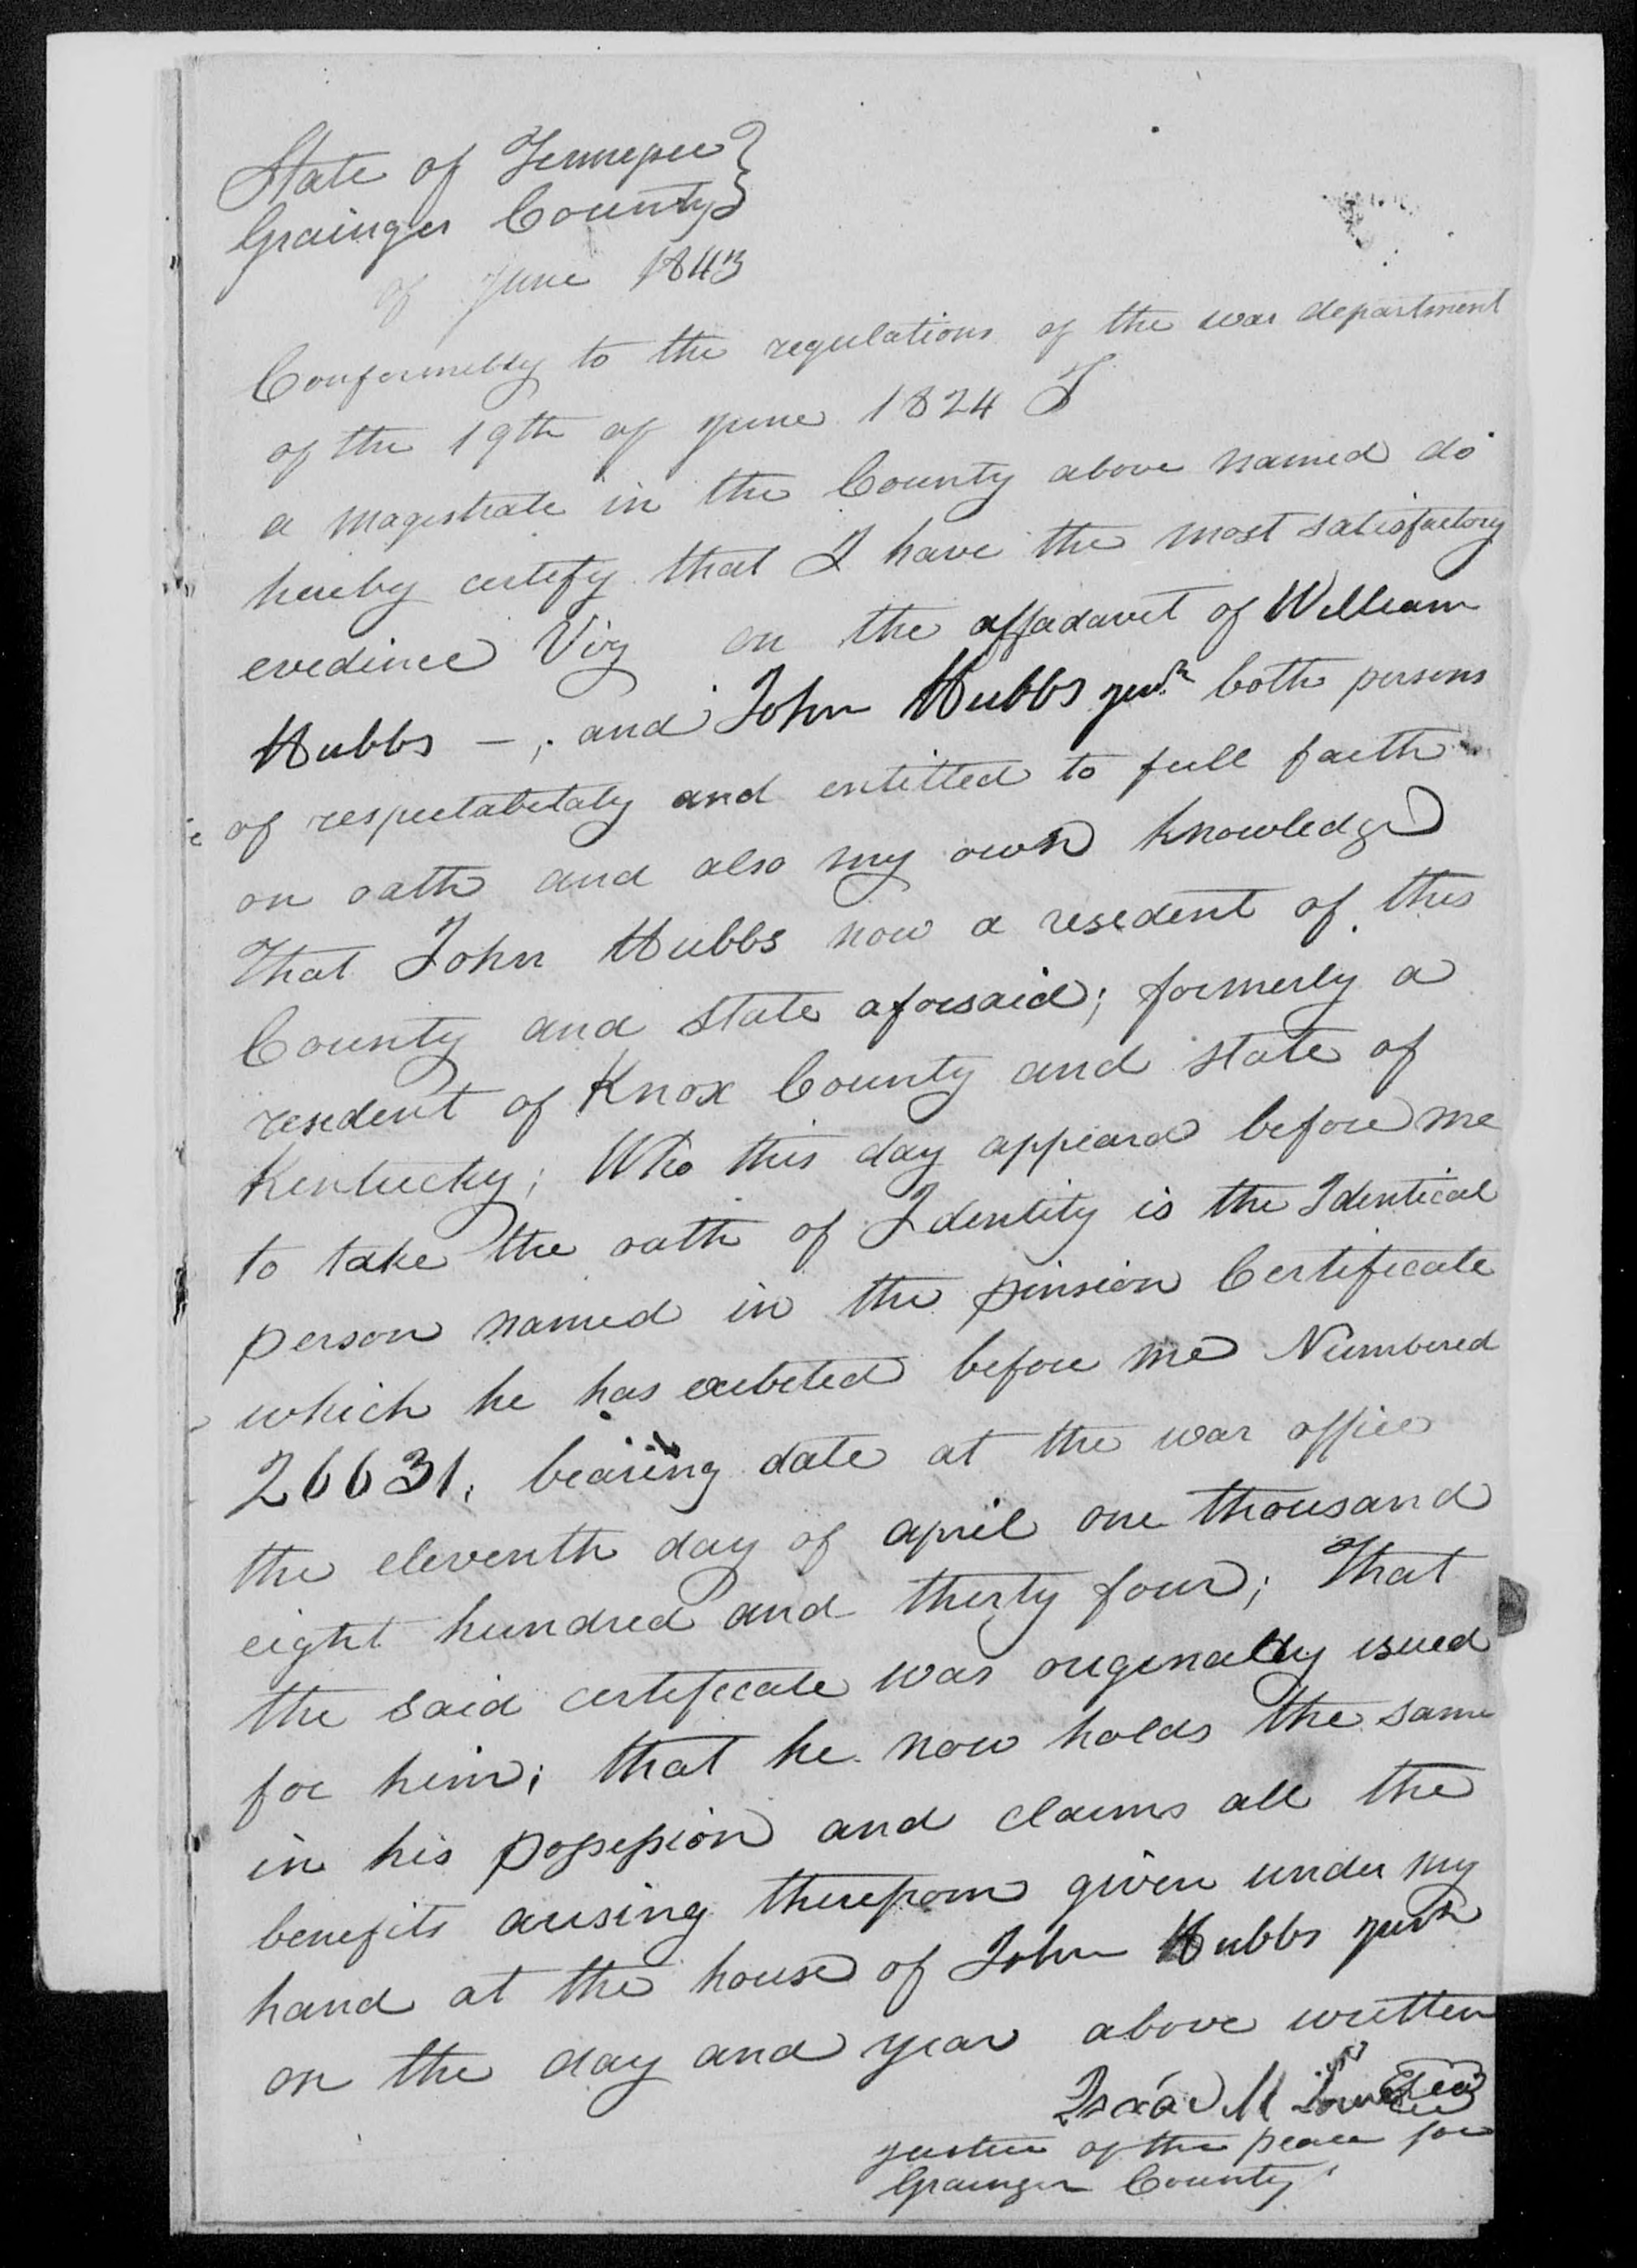State of Tennessee
Grainger County
of June 1843

Conformity to the regulations of the war department of the 19th of June 1824 a magistrate in the County above named do
hereby certify that I have the most satisfactory
evidence Viz on the affadavit of William Hubbs
and John Hubbs ye both persons of respectability and entitled to full faith on oath and also my own knowledge that John Hubbs now a resident of this County and State aforesaid; formerly a resident of Knox County and State of Kentucky, who this day appeared before me to take the oath of Identity is the Identical person named in the pension Certificate
which he has exibited before me Numbered 26631, bearing date at the war office the eleventh day of April one thousand eight hundred and thirty four; That the said certificate was originally isued for him, that he now holds the same in his possession and claims all the benefits arising therefrom given under my hand at the house of John Hubbs Just on the day and year above written.
Isaac M. Lorde  (seal)
Justice of the peace for
Grainger County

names: William Hubbs, Isaac M Lorde, John Hubbs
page: 76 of 86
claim: widow's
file: W. 1035, John Hubbs, S.C.